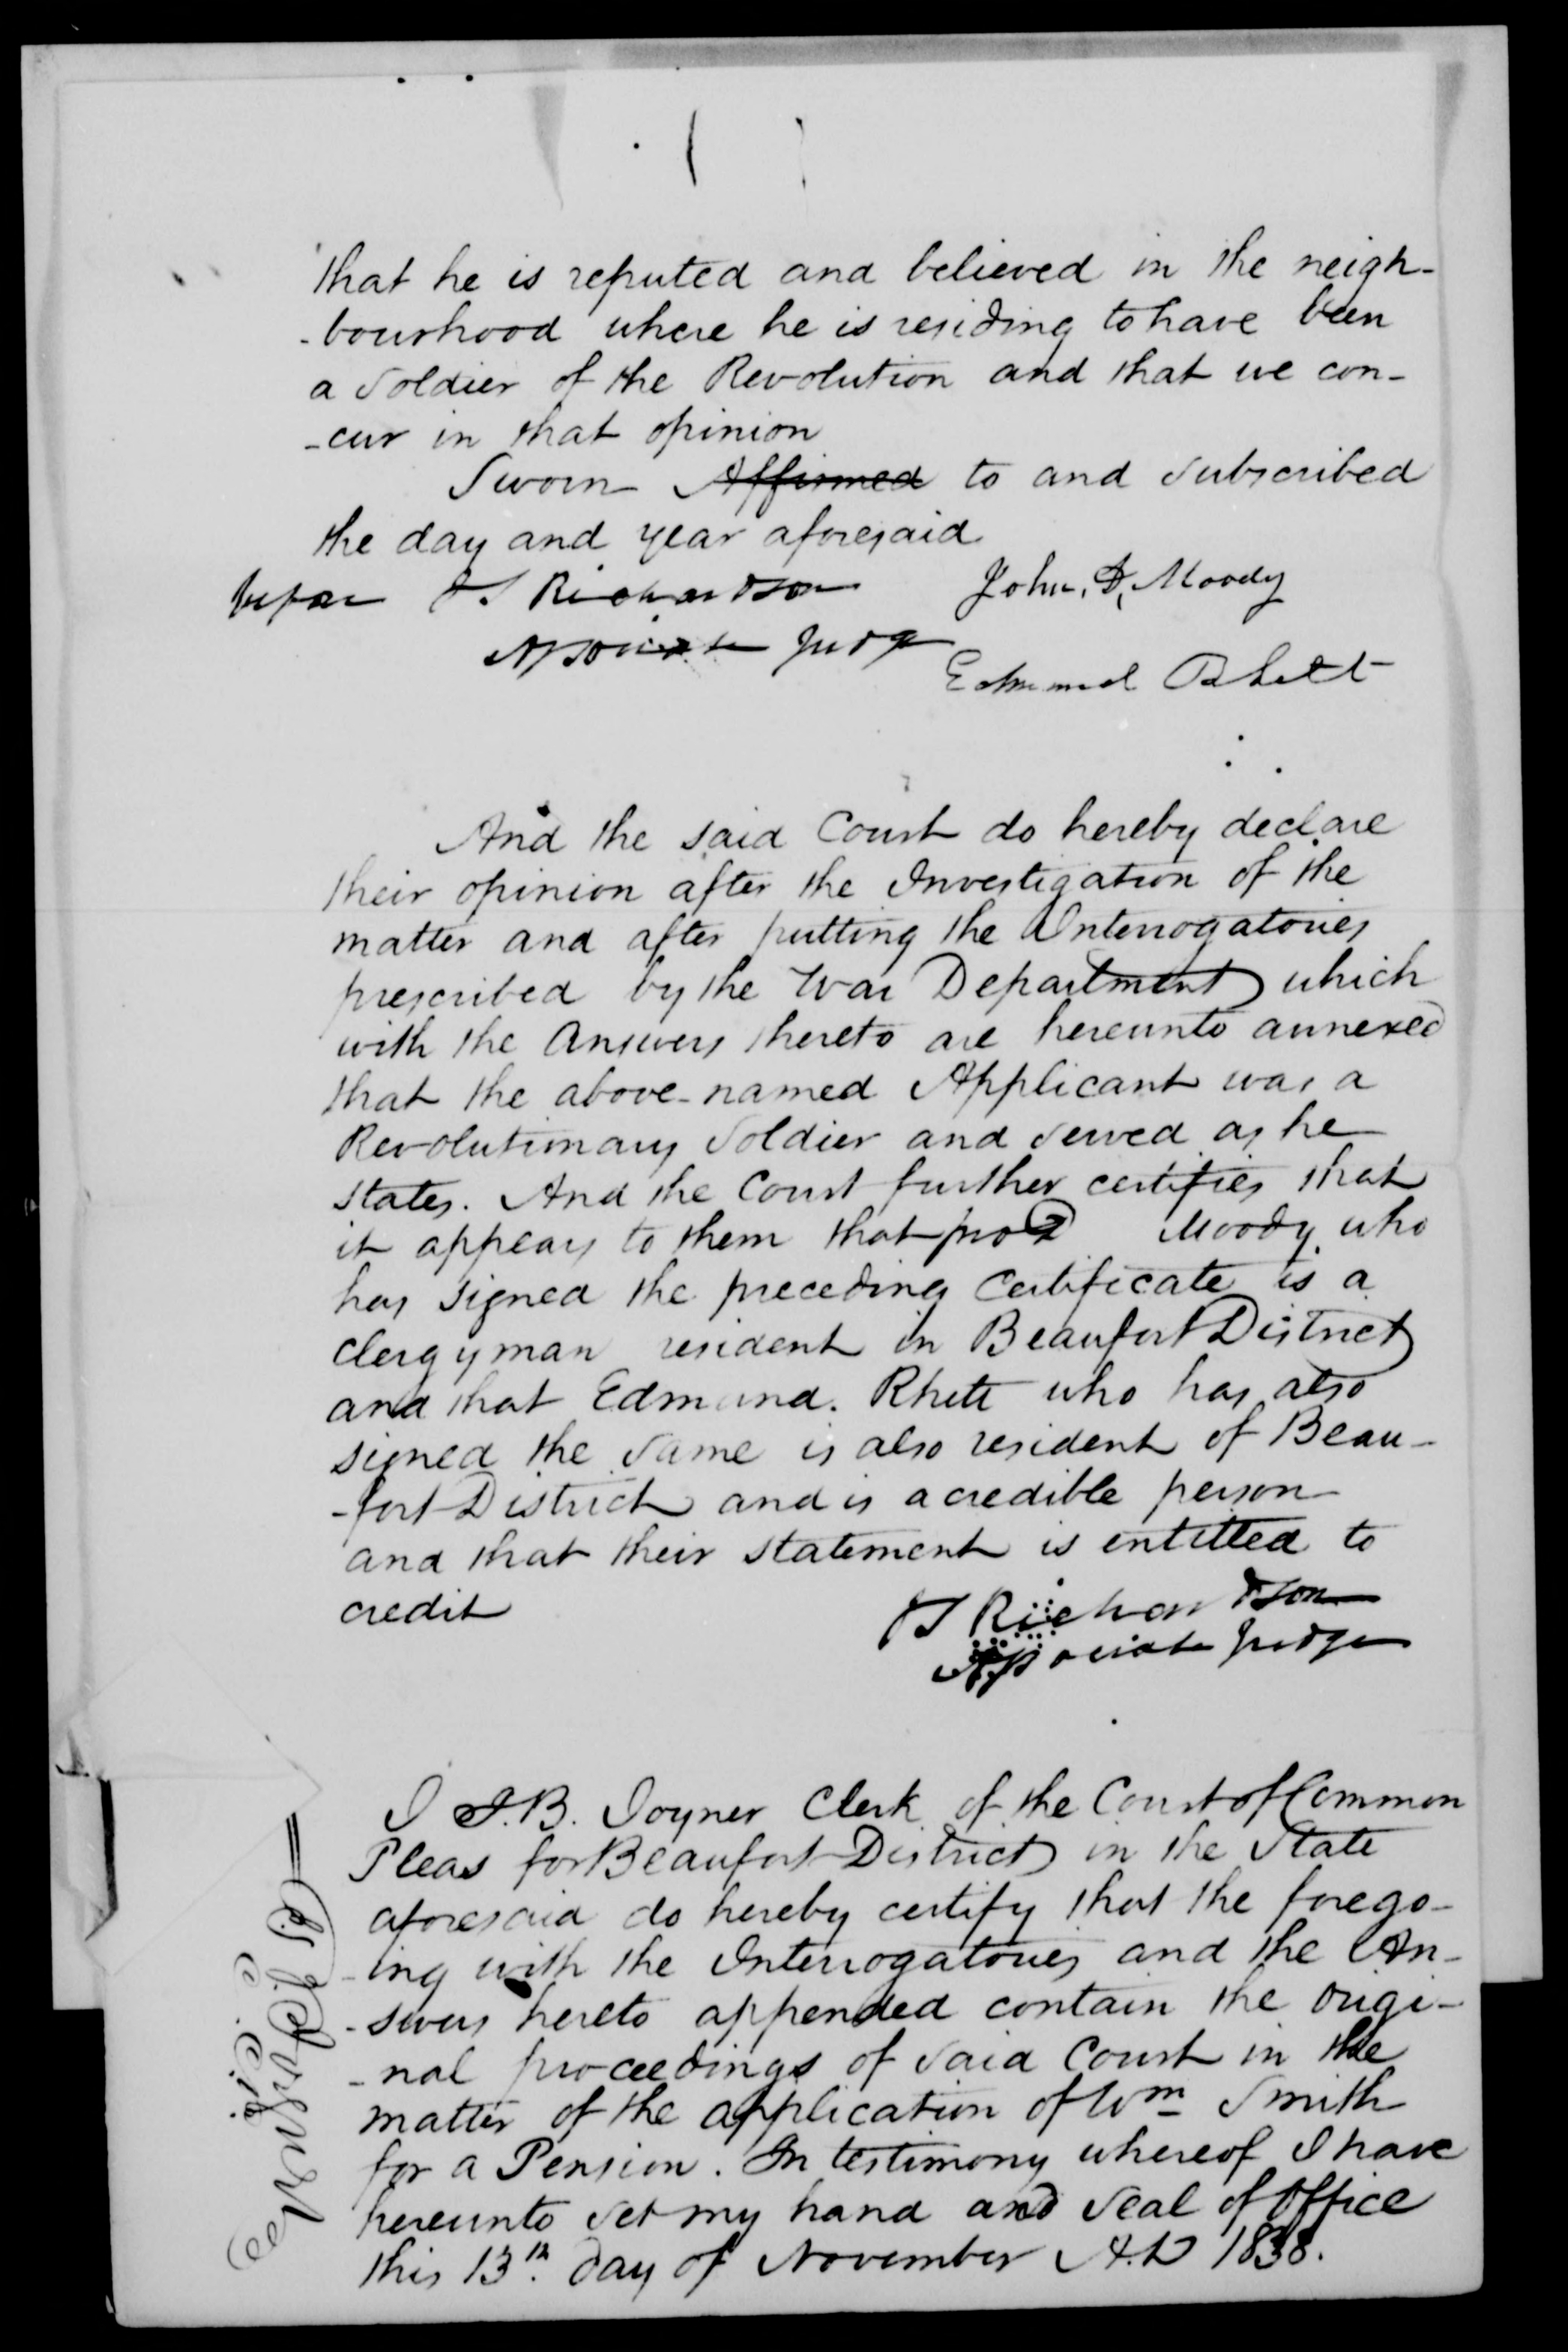that he is reputed and believed in the neighbourhood where he is residing to have been a soldier of the Revolution and that we concur in that opinion. 
Sworn to and subscribed the day and year aforesaid. 
John D. Moody
Edmund Rhett
Judge JL Richardson
Associate Judge

And the said Court do hereby declare their opinion after the Investigation of the matter and after putting the Interrogatories prescribed by the War Department which with the Answers thereto are hereunto annexed that the above-named Applicant was a Revolutionary Soldier and served as he states. And the Court further certifies that it appears to them that John D. Moody, who has signed the preceding Certificate is a clergyman resident in Beaufort District and that Edmund Rhett who has also signed the same is also a resident of Beaufort District and is a credible person and that their statement is entitled to credit. 
JL Richardson
Associate Judge 

I J.B. Joyner Clerk of the Court of Common Pleas for Beaufort District in the State of aforesaid do hereby certify that the foregoing with the Interrogatories and the Answers hereto appended contain the original proceedings of said Court in the matter of the application of Wm. Smith for a Pension. In testimony whereof I have hereunto set my hand seal of office this 13th day of November A.D. 1838
[sideways] J. B. Joyner C.C.P.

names: J B Joyner; Jno D Moody; Edmund Rhett; Edmund Rhett; J B Joyner; John D Moody; Wm Smith; J L Richardson; J L Richardson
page: 5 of 21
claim: rejected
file: R. 9875, for William Smith, South Carolina